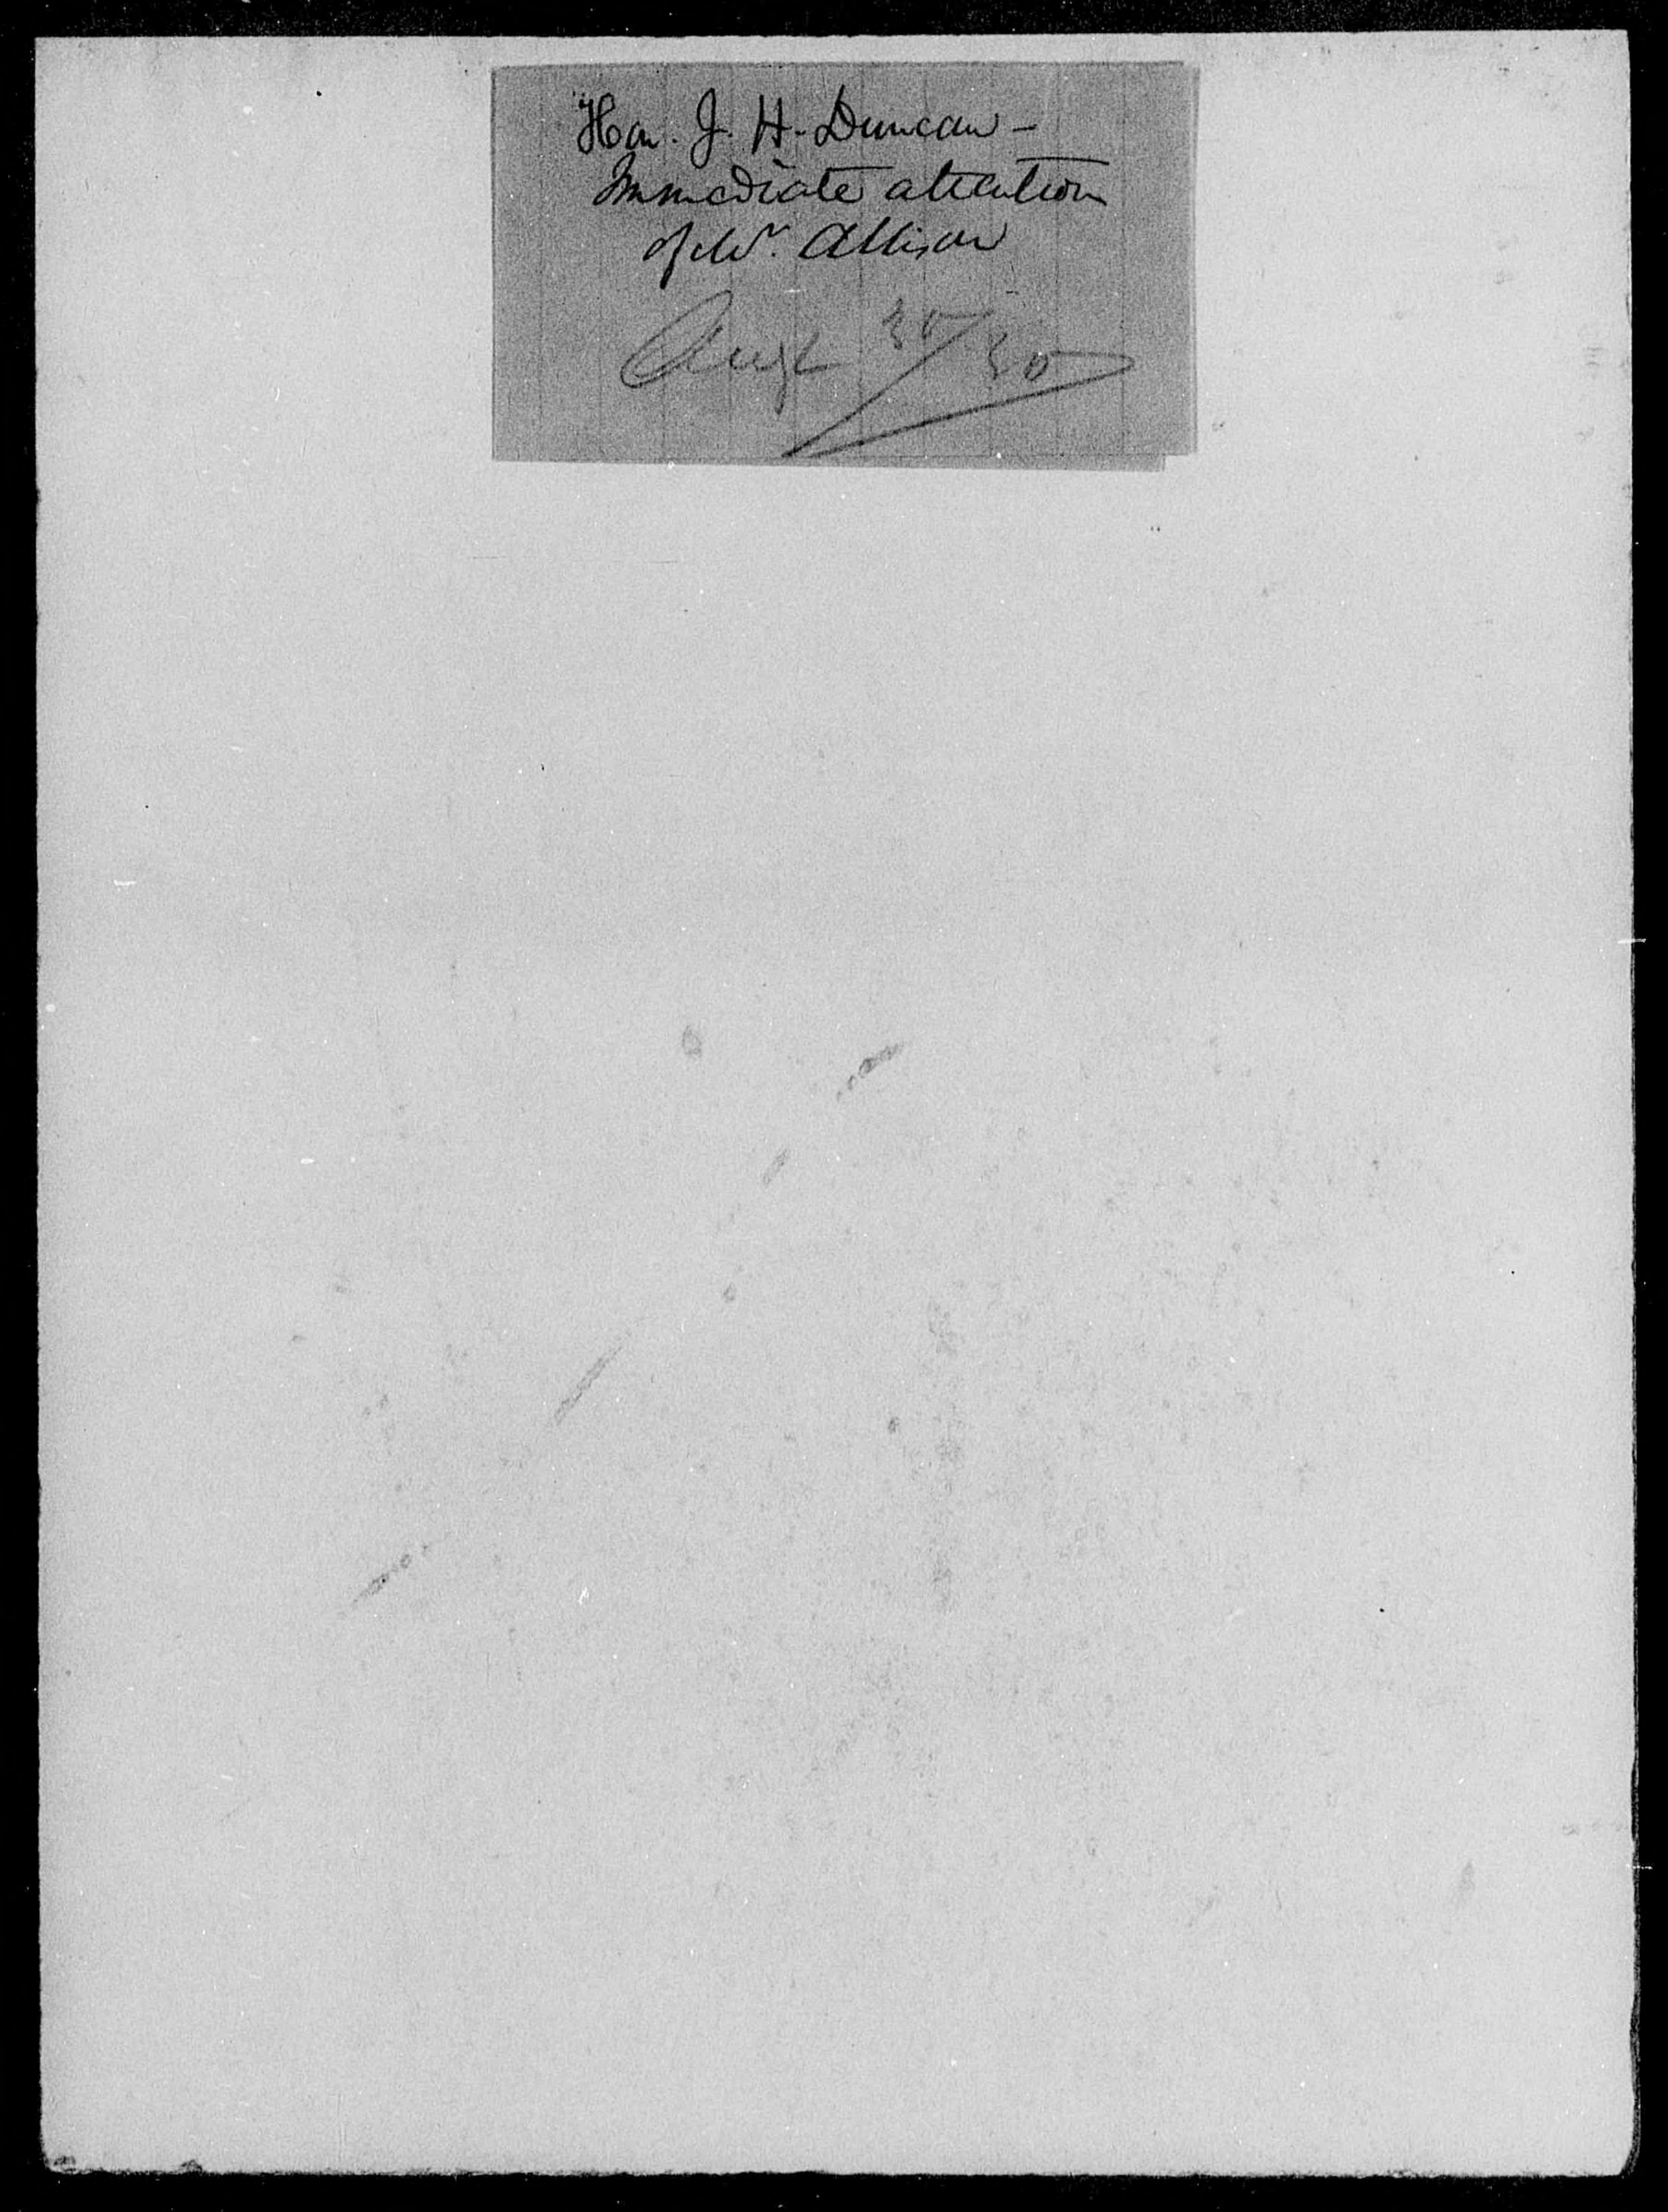Hm. J.H. Duncan - 
Immediate attention of Mr. Allison

Aug 30/55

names: J H Duncan, Allison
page: 43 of 82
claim: widow's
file: W. 7,522, John Giles, N.C.